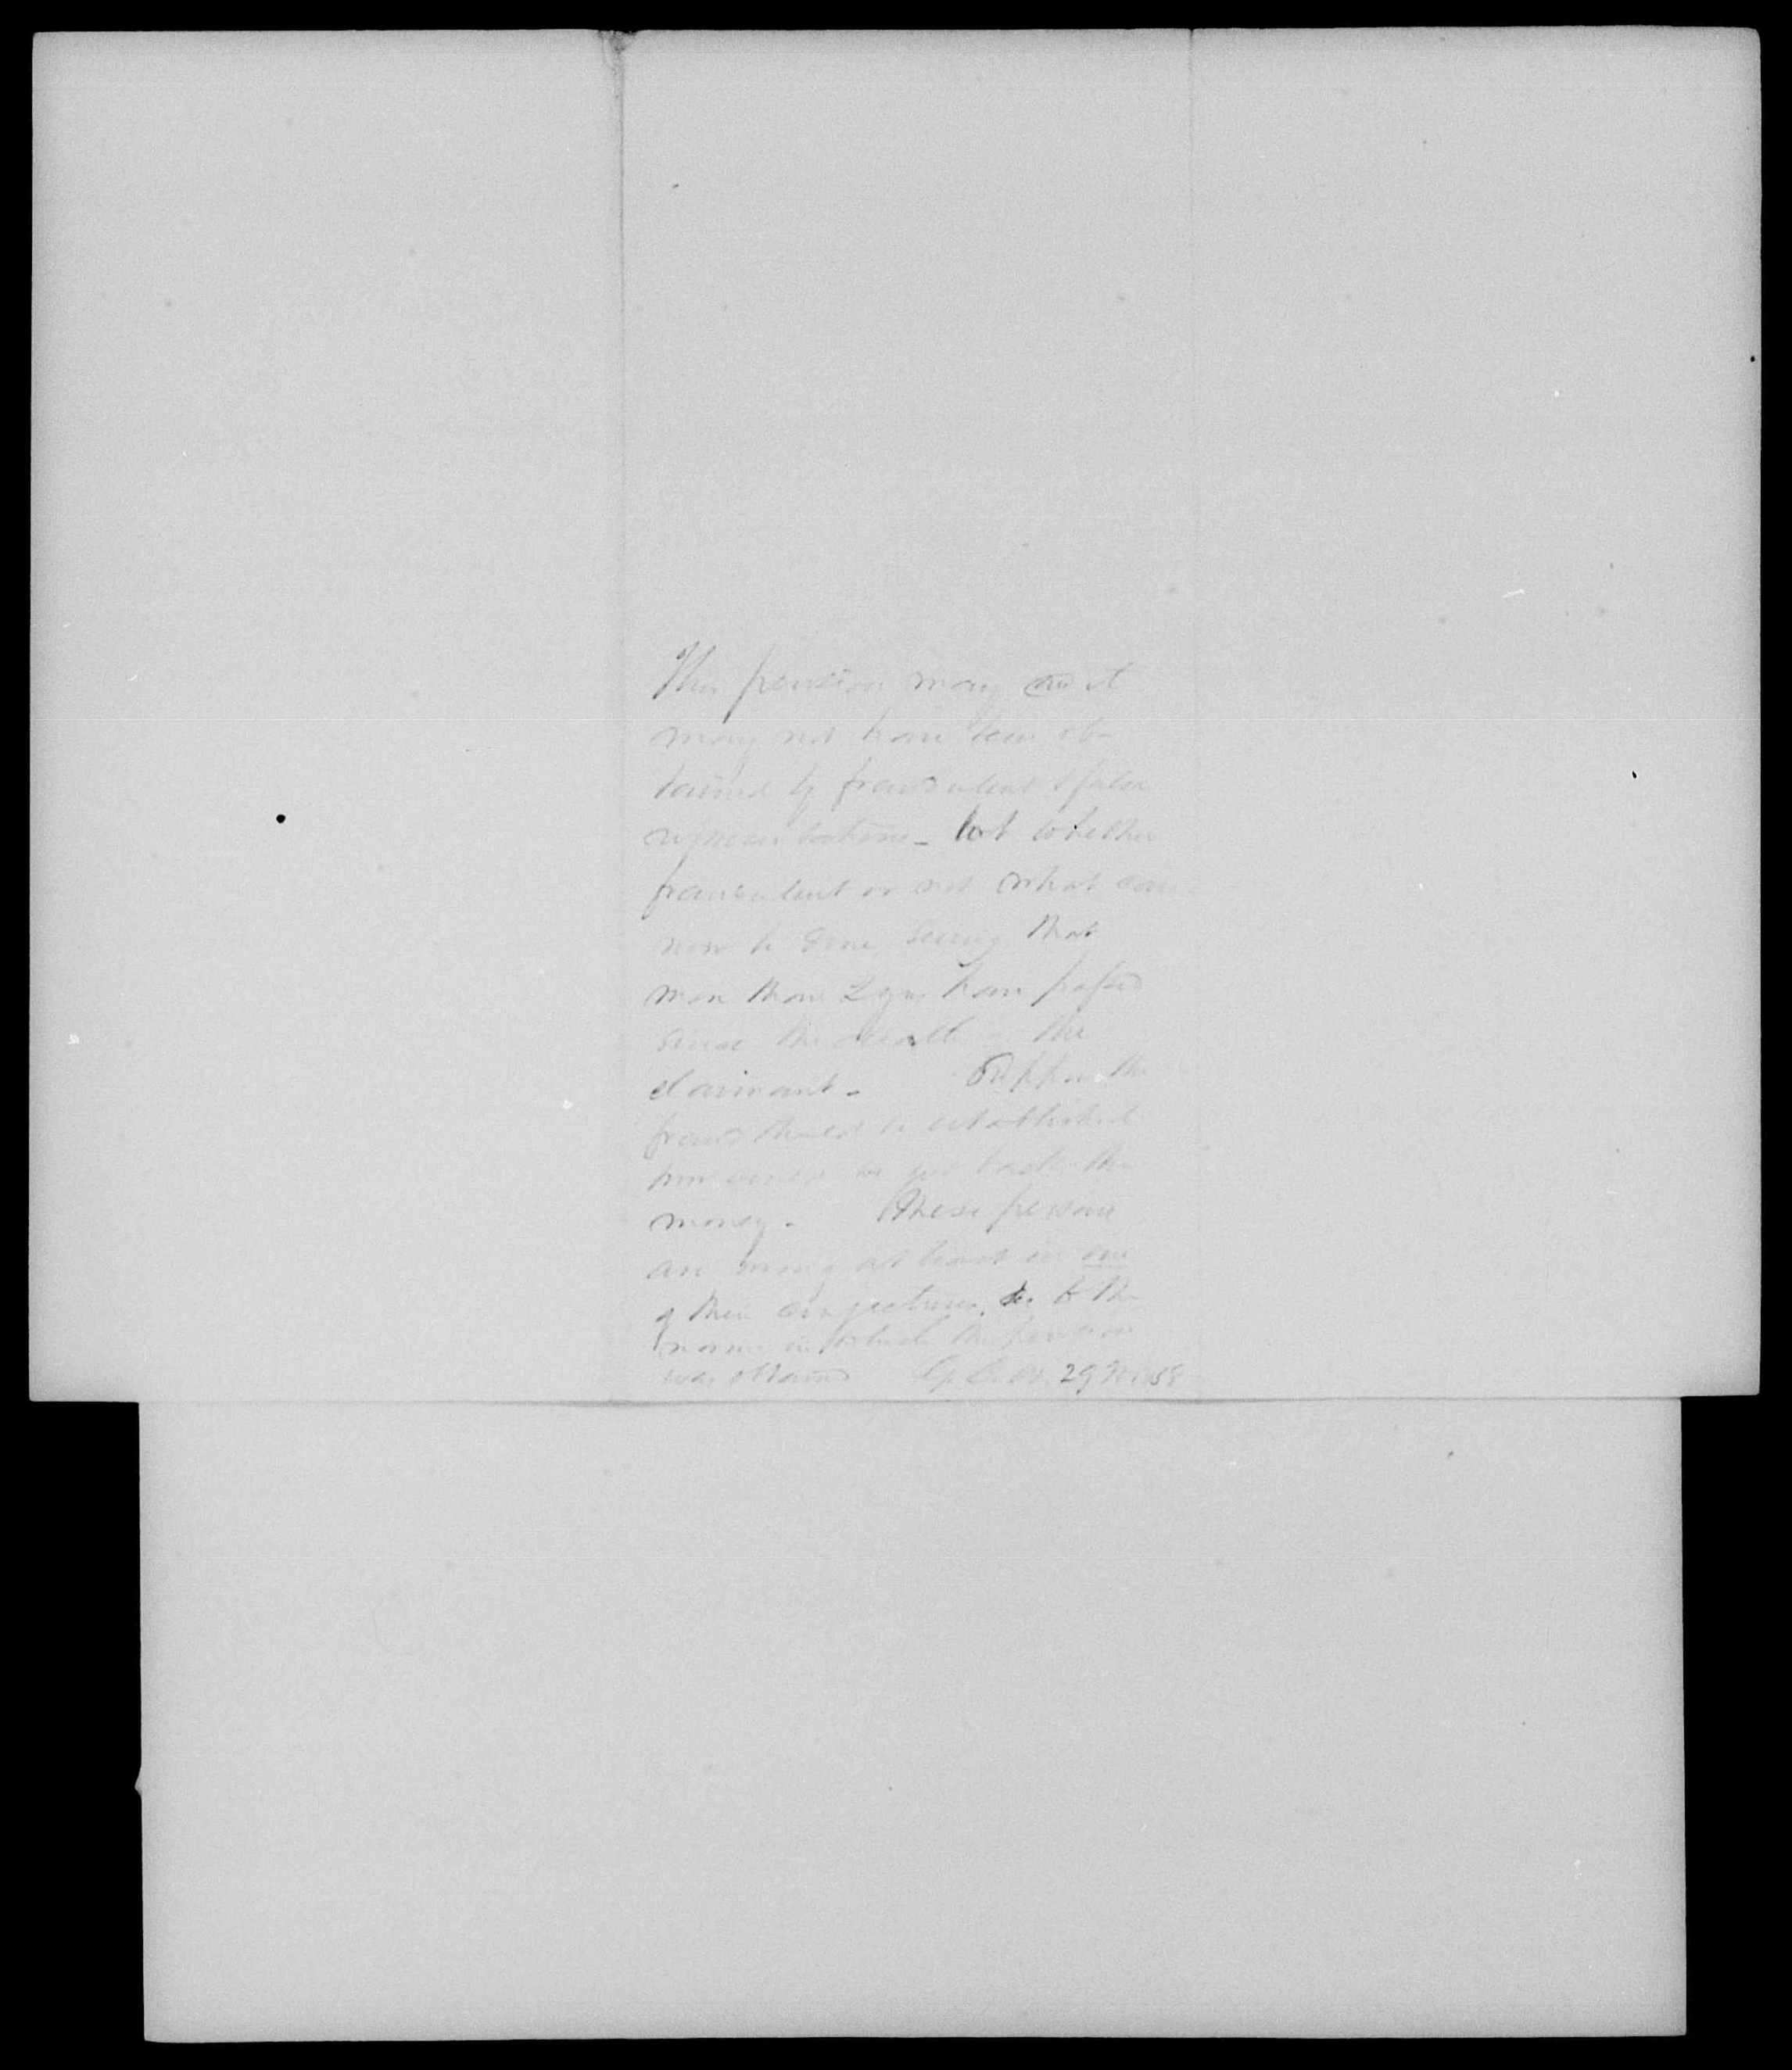This pension may not, it may not have been tainted by fraudulent and false witness [unreadable] – but whether fraudulent or not what can now be done.  Seeing that man [unreadable] since the death of the claimant.  Suppose the fraud should be established [unreadable] back the money.  [remainder of text is unreadable]  G. B. W. 29 November 1858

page: 38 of 44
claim: survivor's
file: S. 28,815, for Philip Morris, Rhode Island